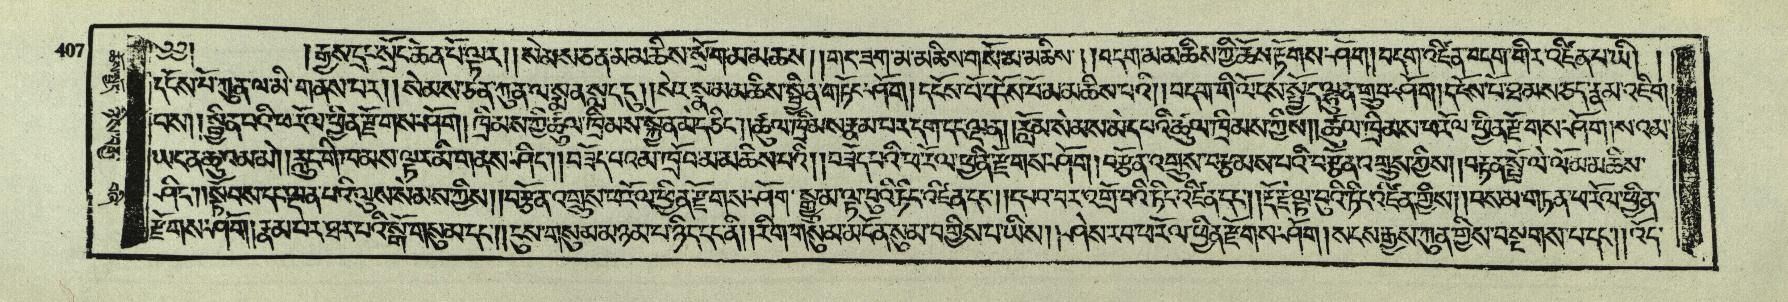༄༅། །རྒྱས་དྲང་སྲོང་ཆེན་པོ་ལྟར། །སེམས་ཅན་མ་མཆིས་སྲོ་མ་མཆིས། །གང་ཟག་མ་མཆིས་གསོ་མ་མཆིས། །བདག་མ་མཆིས་ཀྱི་ཆོས་རྟོགས་ཤོག །བདག་འཛིན་བདག་གིར་འཛིན་པ་ཡི། །
དངོས་པོ་ཀུན་ལ་མི་གནས་པར། །སེམས་ཅན་ཀུན་ལ་སྨན་སླད་དུ། །སེར་སྣ་མ་མཆིས་སྦྱིན་གཏོང་ཤོག །དངོས་པོ་དངོས་པོ་མ་མཆིས་པའི། །བདག་གི་ལོངས་སྤྱོད་ལྷུན་གྲུབ་ཤོག །དངོས་པོ་ཐམས་ཅད་རྣམ་འཇིག་
བས། །སྦྱིན་པའི་ཕ་རོལ་ཕྱིན་རྫོགས་ཤོག །ཁྲིམས་ཀྱི་ཚུལ་ཁྲིམས་སྐྱོན་མེད་ཅིང་། །ཚུལ་ཁྲིམས་རྣམ་པར་དག་དང་ལྡན། །རློམ་སེམས་མེད་པའི་ཚུལ་ཁྲིམས་ཀྱིས། །ཚུལ་ཁྲིམས་ཕ་རོལ་ཕྱིན་རྫོགས་ཤོག །ས་འམ་
ཡང་ན་ཆུ་འམ་མེ། །རླུང་གི་ཁམས་ལྟར་མི་གནས་ཤིང་། །བཟོད་པའམ་ཁྲོ་བ་མ་མཆིས་པའི། །བཟོད་པའི་ཕ་རོལ་ཕྱིན་རྫོགས་ཤོག། །བརྩོན་འགྲུས་བརྩམས་པའི་བརྩོན་འགྲུས་ཀྱིས། །བརྟན་སྤྲོ་ལེ་ལོ་མ་མཆིས་
ཤིང་། །སྟོབས་དང་ལྡན་པའི་ལུས་སེམས་ཀྱིས། །བརྩོན་འགྲུས་ཕ་རོལ་ཕྱིན་རྫོགས་ཤོག་སྒྱུ་མ་ལྟ་བུའི་ཏིང་འཛིན་དང་། །དཔའ་བར་འགྲོ་བའི་ཏིང་འཛིན་དང་། །རྡོ་རྗེ་ལྟ་བུའི་ཏིང་འཛིན་གྱིས། །བསམ་གཏན་ཕ་རོལ་ཕྱིན་
རྫོགས་ཤོག །རྣམ་པར་ཐར་པའི་སྒོ་གསུམ་དང་། །དུས་གསུམ་མཉམ་པ་ཉིད་དང་ནི། །རིག་གསུམ་མངོན་སུམ་བགྱིས་པ་ཡིས། །ཤེས་རབ་ཕ་རོལ་ཕྱིན་རྫོགས་ཤོག །སངས་རྒྱས་ཀུན་གྱིས་བསྔགས་པ་དང་། །འོད་